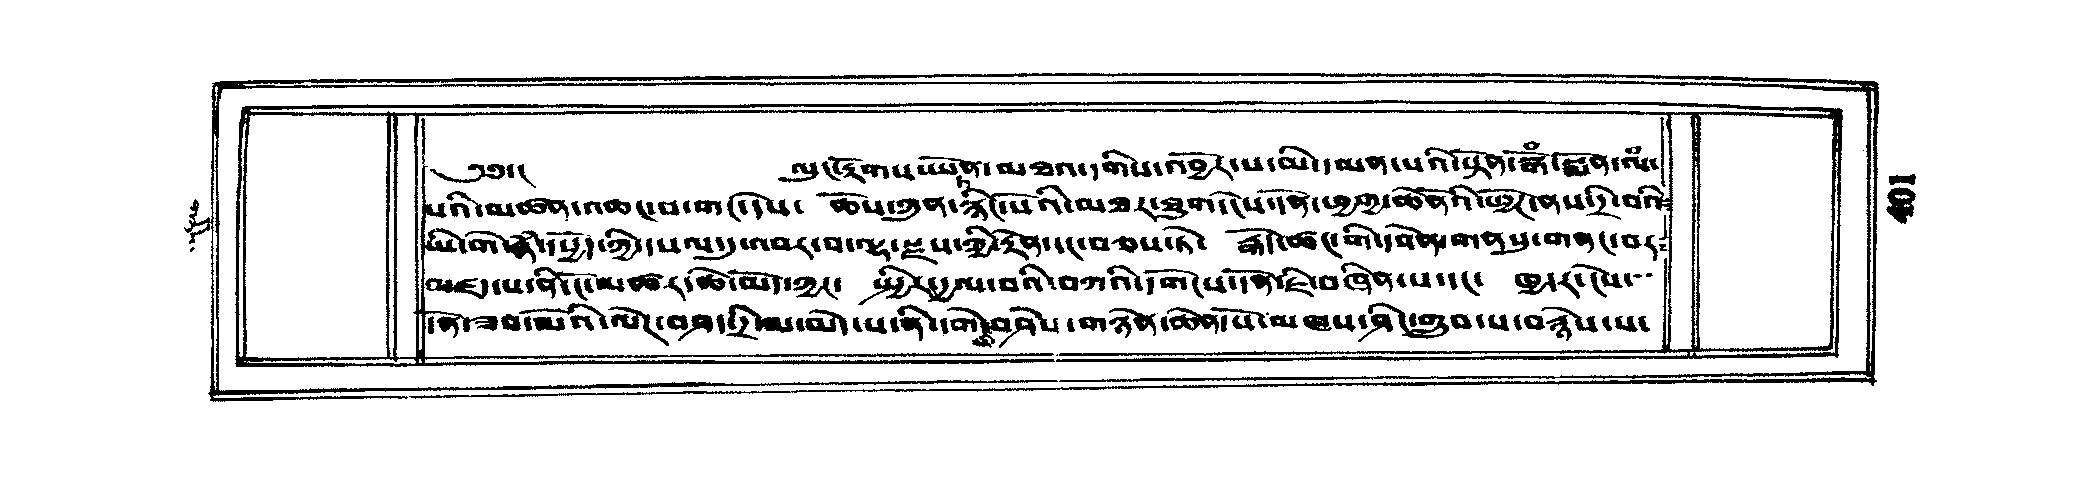ལུང་རྟོགས་ཡོན་ཏན་མཐའ་དག་གིས་འབྱོར་པ་མི་དམན་པའི་སྟོན་སྒོམ་སྨོན་ལམ་
སའི་མཚན་འཆང་བ་གང་དེས། ཆོས་ཀུན་རྙིང་པོའི་མཐར་ཐུག་ངེས་དོན་ཕྱག་རྒྱ་ཆེན་པོའི་ཕྱོགས་ནས་དྲི་བའི་
ཡི་གེ་རྣམ་དཔྱོད་ཀྱི་དཔལ་དུ་འབར་བ་ལྷ་རྫས་ཀྱི་རྟེན་དང་བཅས་ཏེ། རྒོད་ཚང་གི་དབེན་གནས་སུ་གནང་བར་
མཛད་པ་ནི་ངོ་མཚར་ཆེ་མོད་ཀྱང་། སྤྱིར་རྒྱལ་བའི་བཀའི་དགོངས་དོན་ཇི་བཞིན་པ་དང་། ཁྱད་པར་ངེས་
དོན་ཟབ་མོའི་ལེགས་བཤད་དྲི་མ་མེད་པ་ནི་དགེ་བའི་གཤེས་གཉེན་ཆེན་པོ་མཁས་ཤིང་གྲུབ་པ་བརྙེས་པ་